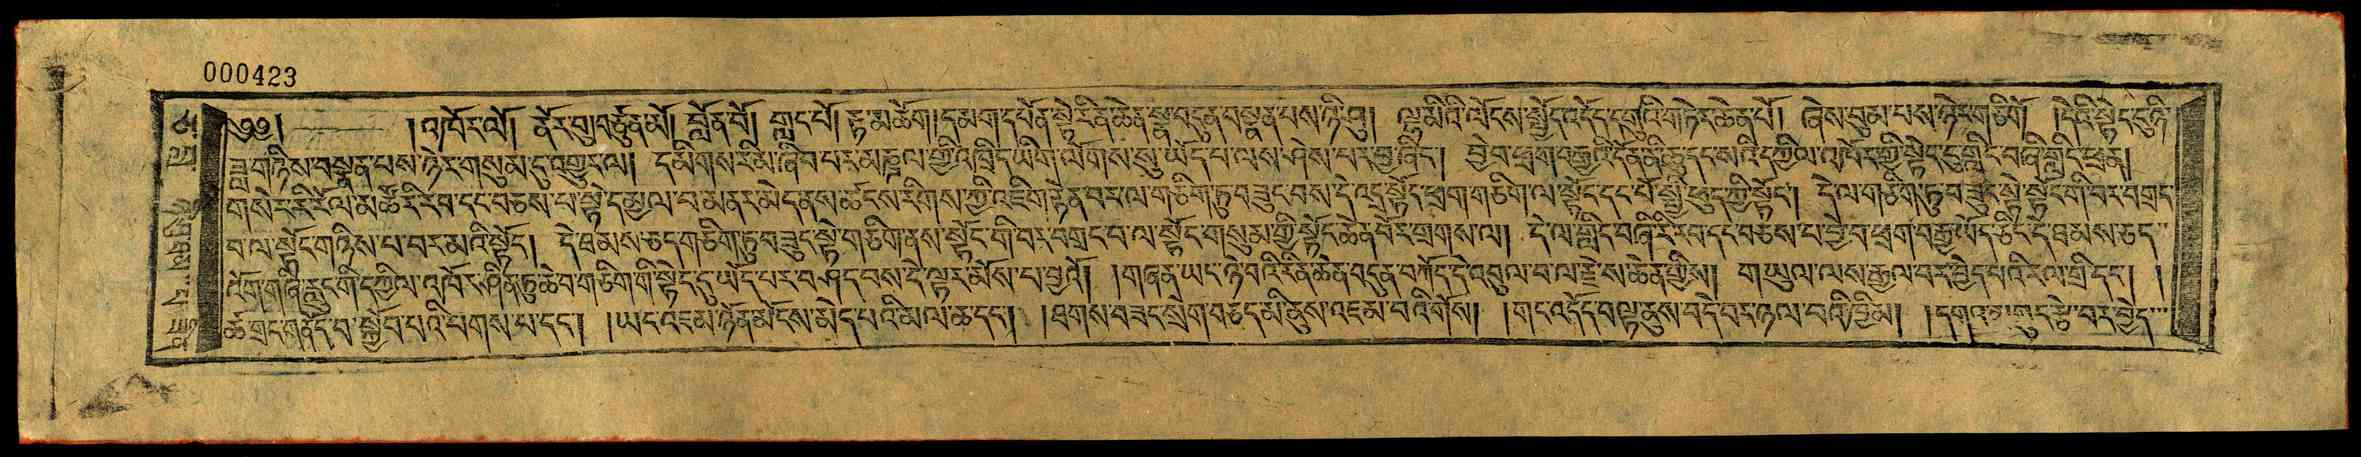༄༅། །འཁོར་ལོ། ནོར་བུ། བཙུན་མོ། བློན་པོ། གླང་པོ། རྟ་མཆོག །དམག་དཔོན་སྟེ་རིན་ཆེན་སྣ་བདུན་བསྣན་པས་ཉི་ཤུ། ལྷ་མིའི་ལོངས་སྤྱོད་འདོད་དགུའི་གཏེར་ཆེན་པོ། ཞེས་བུམ་པས་ཉེར་གཅིག་གོ །དེའི་སྟེང་དུ་ཉི་
ཟླ་གཉིས་བསྣན་པས་ཉེར་གསུམ་དུ་འགྱུར་ལ། དམིགས་རིམ་ཞིབ་པར་མཎྜལ་གྱི་འཁྲིད་ཡིག་ལོགས་སུ་ཡོད་པ་ལས་ཤེས་པར་བྱ་ཞིང་། བྱེ་བ་ཕྲག་བརྒྱའི་དོན་ནི་ཆུ་དང་སའི་དཀྱིལ་འཁོར་གྱི་སྟེང་དུ་གླིང་བཞི་གླིང་ཕྲན།
གསེར་རི་རོལ་མཚོ་རི་རབ་དང་བཅས་པ་སྟེ་དམྱལ་བ་མནར་མེད་ནས་ཚངས་རིགས་ཀྱི་འཇིག་རྟེན་བར་ལ་གཅིག་ཏུ་བཟུང་བས་དེ་འདྲ་སྟོང་ཕྲག་གཅིག་ལ་སྟོང་དང་པོ་སྤྱི་ཕུད་ཀྱི་སྟོང་། དེ་ལ་གཅིག་ཏུ་བཟུང་སྟེ་སྟོང་གི་བར་བགྲང་
བ་ལ་སྟོང་གཉིས་པ་བར་མའི་སྟོང་། དེ་ཐམས་ཅད་གཅིག་ཏུ་བཟུང་སྟེ་གཅིག་ནས་སྟོང་གི་བར་བགྲང་བ་ལ་སྟོང་གསུམ་གྱི་སྟོང་ཆེན་པོར་གྲགས་ལ། དེ་ལ་གླིང་བཞི་རི་རབ་དང་བཅས་པ་བྱེ་བ་ཕྲག་བརྒྱ་ཡོད་ཅིང་དེ་ཐམས་ཅད་
འོག་གཞི་རླུང་གི་དཀྱིལ་འཁོར་ཤིན་ཏུ་ཆེ་བ་གཅིག་གི་སྟེང་དུ་ཡོད་པར་བཤད་པས་དེ་ལྟར་མོས་པ་བྱའོ། །གཞན་ཡང་ཉེ་བའི་རིན་ཆེན་བདུན་བཀོད་དེ་འབུལ་བ་ལ་རྗེ་ས་ཆེན་གྱིས། གཡུལ་ལས་རྒྱལ་བར་བྱེད་པའི་རལ་གྲི་དང་། །
ཚ་གྲང་གནོད་པ་སྐྱོབ་པའི་པགས་པ་དང་། །ཡང་འཇམ་ཉོན་མོངས་མེད་པའི་མལ་ཆ་དང་། །ཐགས་བཟང་སྲེག་བཅད་མི་ནུས་འཇམ་པའི་གོས། །གང་འདོད་བལྟ་ནུས་བདེ་བར་ཉལ་བའི་ཁྱིམ། །དགའ་མགུར་རྩེ་བར་བྱེད་